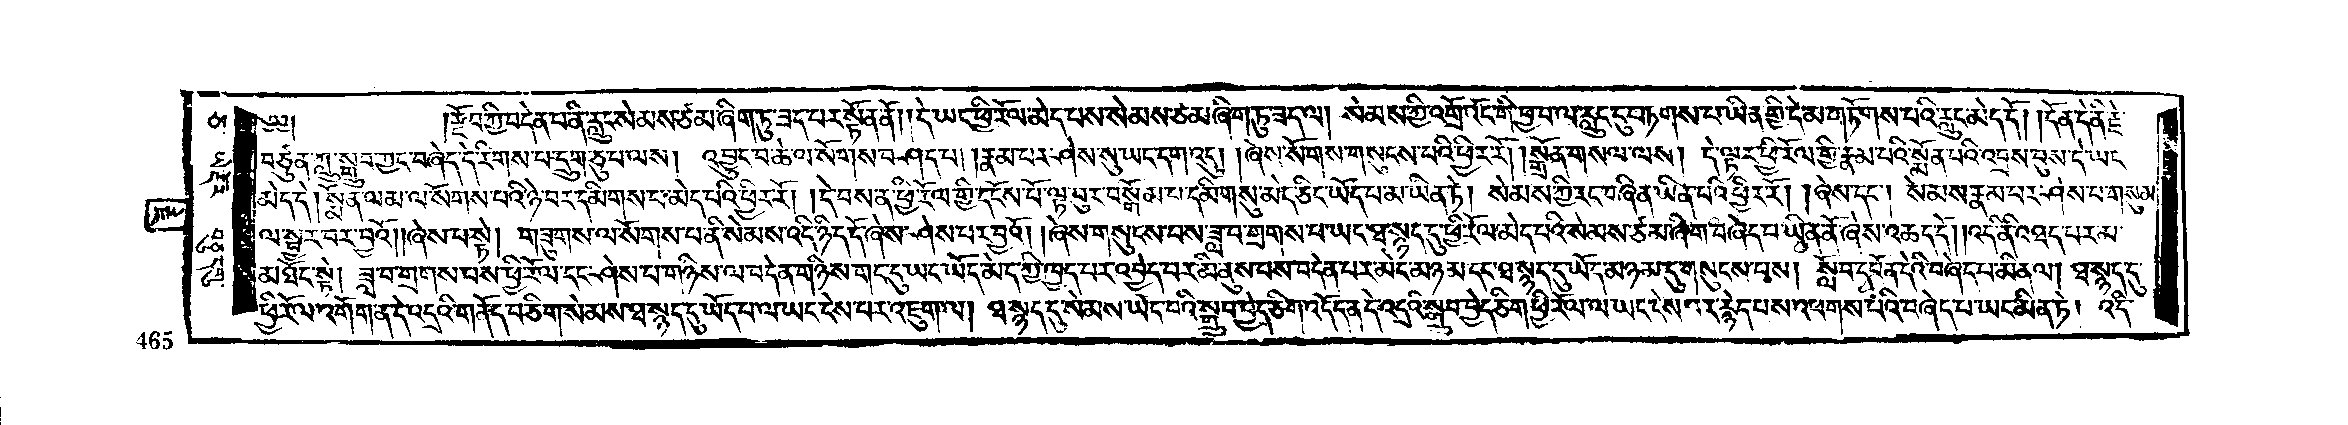༄༅། །རྫོབ་ཀྱི་བདེན་པ་ནི་རླུང་སེམས་ཙམ་ཞིག་ཏུ་ཟད་པར་སྟོན་ནོ། །དེ་ཡང་ཕྱི་རོལ་མེད་པས་སེམས་ཙམ་ཞིག་ཏུ་ཟད་ལ། སེམས་ཀྱི་འགྲོ་འོང་གི་བྱ་བ་ལ་རླུང་དུ་བཏགས་པ་ཡིན་གྱི་དེ་མ་གཏོགས་པའི་རླུང་མེད་དོ། །དོན་དེ་ནི་རྗེ་
བཙུན་ཀླུ་སྒྲུབ་ཀྱང་བཞེད་དེ་རིགས་པ་དྲུག་ཅུ་པ་ལས། འབྱུང་བ་ཆེ་ལ་སོགས་བཤད་པ། །རྣམ་པར་ཤེས་སུ་ཡང་དག་འདུ། །ཞེས་སོགས་གསུངས་པའི་ཕྱིར་རོ། །སྒྲོན་གསལ་ལས། དེ་ལྟར་ཕྱི་རོལ་གྱི་རྣམ་པའི་སྨོན་པའི་འབྲས་བུས་དེ་ཡང་
མེད་དེ། སྨོན་ལམ་ལ་སོགས་པའི་ཉེ་བར་དམིགས་པ་མེད་པའི་ཕྱིར་རོ། །དེ་བས་ན་ཕྱི་རོལ་གྱི་དངོས་པོ་ལྟ་བུར་བསྒོམ་པ་དམིགས་སུ་མེད་ཅིང་ཡོད་པ་མ་ཡིན་ཏེ། སེམས་ཀྱི་རང་བཞིན་ཡིན་པའི་ཕྱིར་རོ། །ཞེས་དང་། སེམས་རྣམ་པར་ཤེས་པ་གསུམ་
ལ་སྦྱར་བར་བྱའོ། །ཞེས་པ་སྟེ། གཟུགས་ལ་སོགས་པ་ནི་སེམས་འདི་ཉིད་དོ་ཞེས་ཤེས་པར་བྱའོ། །ཞེས་གསུངས་པས་ཟླ་བ་གྲགས་པ་ཡང་ཐ་སྙད་དུ་ཕྱི་རོལ་མེད་པའི་སེམས་ཙམ་ཞིག་བཞེད་པ་ཡིན་ནོ་ཞེས་འཆད་དོ། །འདི་ནི་འཐད་པར་མ་
མཐོང་སྟེ། ཟླ་བ་གྲགས་པས་ཕྱི་རོལ་དང་ཤེས་པ་གཉིས་ལ་བདེན་གཉིས་གང་དུ་ཡང་ཡོད་མེད་ཀྱི་ཁྱད་པར་འབྱེད་པར་མི་ནུས་པས་བདེན་པར་མེད་མཉམ་དང་ཐ་སྙད་དུ་ཡོད་མཉམ་དུ་གསུངས་པས། སློབ་དཔོན་དེའི་བཞེད་པ་མིན་ལ། ཐ་སྙད་དུ་
ཕྱི་རོལ་འགོག་ན་དེ་འདྲའི་གནོད་པ་ཅིག་སེམས་ཐ་སྙད་དུ་ཡོད་པ་ལ་ཡང་ངེས་པར་འཇུག་ལ། ཐ་སྙད་དུ་སེམས་ཡོད་པའི་སྒྲུབ་བྱེད་ཅིག་འདོད་ན་དེ་འདྲའི་སྒྲུབ་བྱེད་ཅིག་ཕྱི་རོལ་ལ་ཡང་ངེས་པར་རྙེད་པས་འཕགས་པའི་བཞེད་པ་ཡང་མིན་ཏེ། འདི་